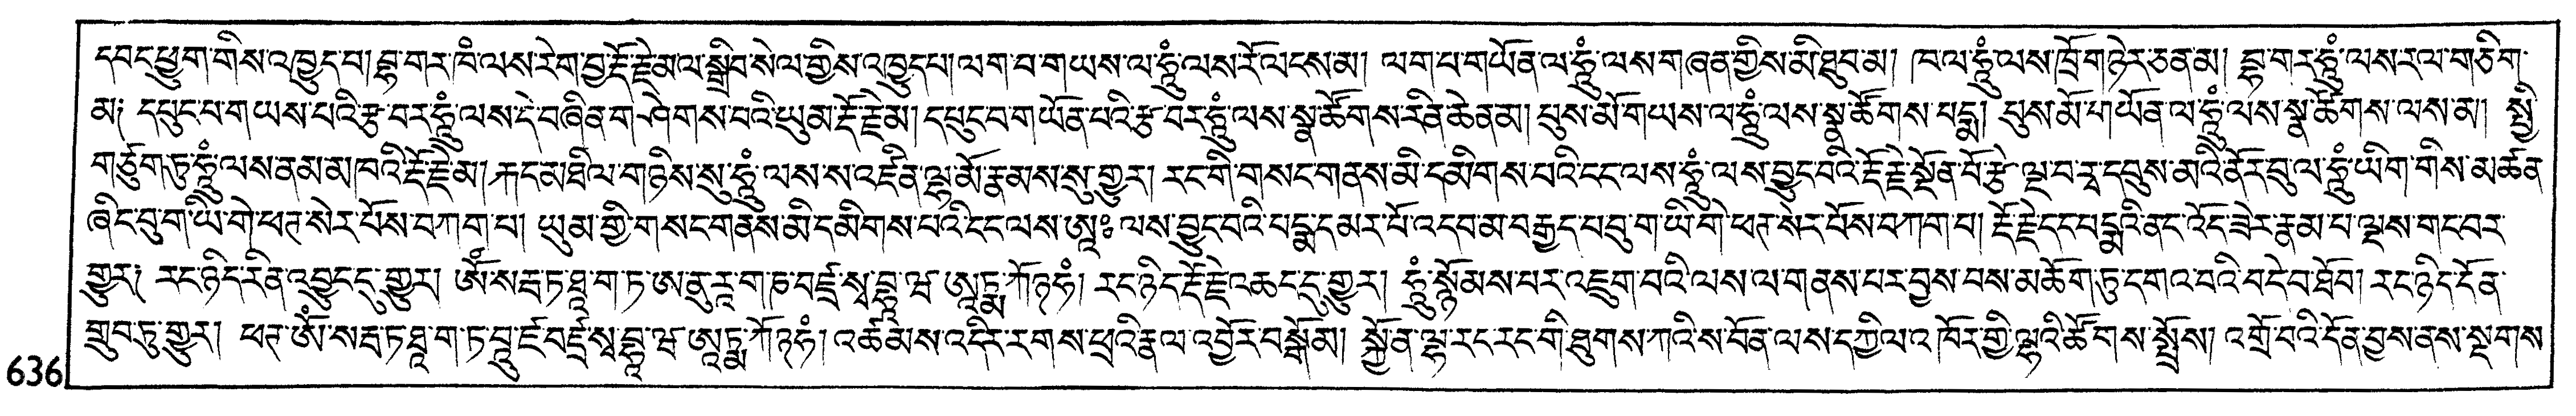དབང་ཕྱུག་གིས་འཁྱུད་པ། བྷ་གར་ཁཾ་ལས་རེག་བྱ་རྡོ་རྗེ་མ་ལ་སྒྲིབ་སེལ་གྱིས་འཁྱུད་པ། ལག་པ་གཡས་ལ་ཧཱུཾ་ལས་རོ་ལངས་མ། ལག་པ་གཡོན་ལ་ཧཱུཾ་ལས་གཞན་གྱིས་མི་ཐུབ་མ། ཁ་ལ་ཧཱུཾ་ལས་ཁྲོ་གཉེར་ཅན་མ། བྷ་གར་ཧཱུཾ་ལས་རལ་གཅིག་
མ། དཔུང་པ་གཡས་པའི་རྩ་བར་ཧཱུཾ་ལས་དེ་བཞིན་གཤེགས་པའི་ཡུམ་རྡོ་རྗེ་མ། དཔུང་བ་གཡོན་པའི་རྩ་བར་ཧཱུཾ་ལས་སྣ་ཚོགས་རིན་ཆེན་མ། པུས་མོ་གཡས་ལ་ཧཱུཾ་ལས་སྣ་ཚོགས་པདམ། པུས་མོ་གཡོན་ལ་ཧཱུཾ་ལས་སྣ་ཚོགས་ལས་མ། སྤྱི་
གཙུག་ཏུ་ཧཱུཾ་ལས་ནམ་མཁའི་རྡོ་རྗེ་མ། རྐང་མཐིལ་གཉིས་སུ་ཧཱུཾ་ལས་ས་འཛིན་ལྷ་མོ་རྣམས་སུ་གྱུར། རང་གི་གསང་གནས་མི་དམིགས་པའི་ངང་ལས་ཧཱུཾ་ལས་བྱུང་བའི་རྡོ་རྗེ་སྔོན་པོ་རྩེ་ལྔ་བ་རྭ་དབུས་མའི་ནོར་བུ་ལ་ཧཱུཾ་ཡིག་གིས་མཚན་
ཞིང་བུ་ག་ཡི་གེ་ཕཊ་སེར་པོས་བཀག་པ། ཡུམ་གྱི་གསང་གནས་མི་དམིགས་པའི་ངང་ལས་ཨཱཿ ལས་བྱུང་བའི་པདམ་དམར་པོ་འདབ་མ་བརྒྱད་པ་བུ་ག་ཡི་གེ་ཕཊ་སེར་པོས་བཀག་པ། རྡོ་རྗེ་དང་པདམའི་ནང་འོད་ཟེར་རྣམ་པ་ལྔས་གང་བར་
གྱུར། རང་ཉིད་རིན་འབྱུང་དུ་གྱུར། ཨོཾ་སརྦ་ཏ་ཐཱ་ག་ཏ་ཨ་ནུ་རཱ་ག་ཎ་བཛྲ་སྭ་བྷཱ་ཝ་ཨཱཏྨ་ཀོཉཧཾ། རང་ཉིད་རྡོ་རྗེ་འཆང་དུ་གྱུར། ཧཱུཾ་སྙོམས་པར་འཇུག་པའི་ལས་ལ་གནས་པར་བྱས་པས་མཆོག་ཏུ་དགའ་བའི་བདེ་བ་ཐོབ། རང་ཉིད་དོན་
གྲུབ་ཏུ་གྱུར། ཕཊ་ཨོཾ་སརྦ་ཏ་ཐཱ་ག་ཏ་པཱུ་ཛ་བཛྲ་སྭ་བྷཱ་ཝ་ཨཱཏྨ་ཀོཉ་ཧཾ། འཚམས་འདིར་རགས་ཕྲའི་རྣལ་འབྱོར་བསྒོམ། སྐྱོ་ན་ལྷ་རང་རང་གི་ཐུགས་ཀའི་ས་བོན་ལས་དཀྱིལ་འཁོར་གྱི་ལྷའི་ཚོགས་སྤྲོས། འགྲོ་བའི་དོན་བྱས་ནས་སྔགས་